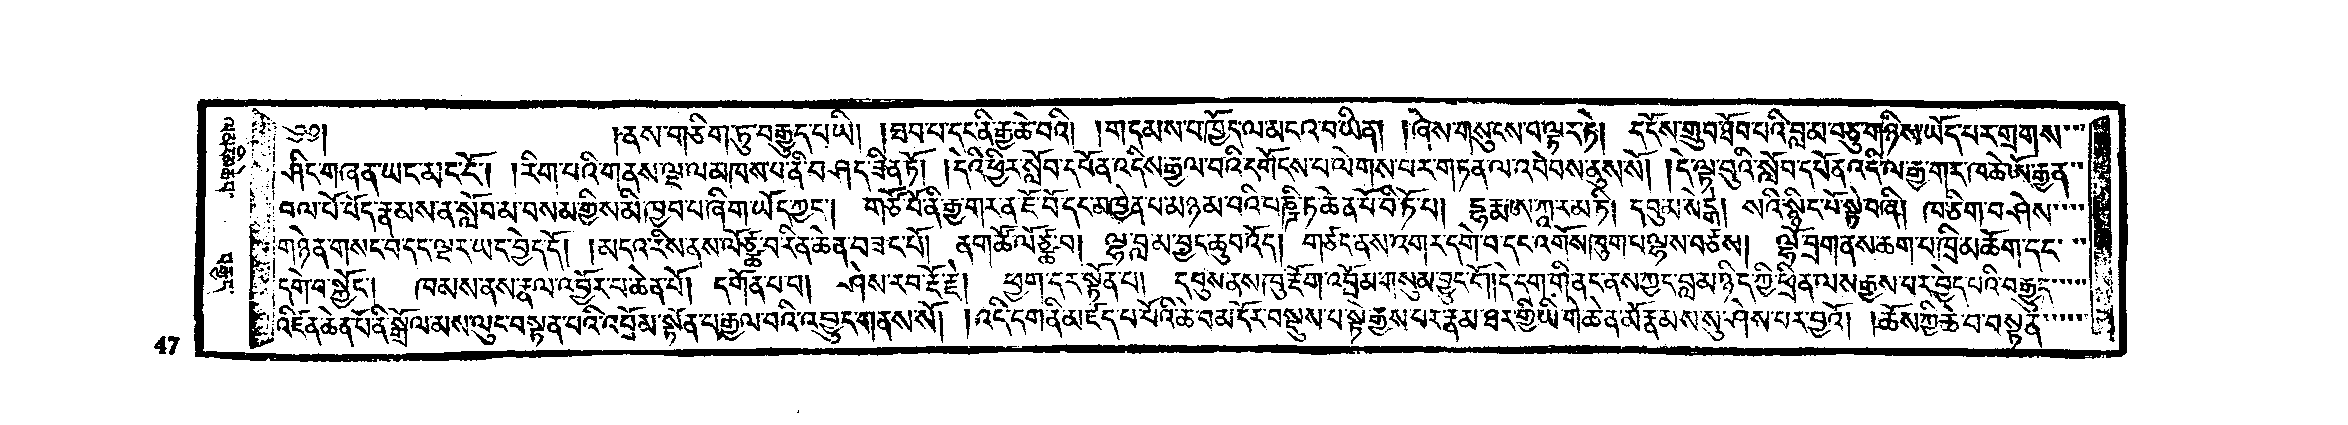༄༅། །ནས་གཅིག་ཏུ་བརྒྱུད་པ་ཡི། །ཟབ་པ་དང་ནི་རྒྱ་ཆེ་བའི། །གདམས་པ་ཁྱོད་ལ་མངའ་བ་ཡིན། །ཞེས་གསུངས་པ་ལྟར་ཏེ། དངོས་གྲུབ་ཐོབ་པའི་བླ་མ་བཅུ་གཉིས་ཡོད་པར་གྲགས་
ཤིང་གཞན་ཡང་མང་ངོ། །རིག་པའི་གནས་ལྔ་ལ་མཁས་པ་ནི་བཤད་ཟིན་ཏོ། །དེའི་ཕྱིར་སློབ་དཔོན་འདིས་རྒྱལ་བའི་དགོངས་པ་ལེགས་པར་གཏན་ལ་འབེབས་ནུས་སོ། །དེ་ལྟ་བུའི་སློབ་དཔོན་འདི་ལ་རྒྱ་གར་ཁ་ཆེ་ཨུ་རྒྱན་
བལ་པོ་བོད་རྣམས་ན་སློབ་མ་བསམ་གྱིས་མི་ཁྱབ་པ་ཞིག་ཡོད་ཀྱང་། གཙོ་བོ་ནི་རྒྱ་གར་ན་ཇོ་བོ་དང་མཁྱེན་པ་མཉམ་པའི་པཎྜི་ཏ་ཆེན་པོ་བི་ཏོ་པ། དྷརྨ་ཨ་ཀཱ་ར་མ་ཏི། དབུ་མ་སེངྒེ། སའི་སྙིང་པོ་སྟེ་བཞི། ཁ་ཅིག་བཤེས་
གཉེན་གསང་བ་དང་ལྔར་ཡང་བྱེད་དོ། །མངའ་རིས་ནས་ལོཙཚ་བ་རིན་ཆེན་བཟང་པོ། ནག་ཚོ་ལོཙྪ་བ། ལྷ་བླ་མ་བྱང་ཆུབ་འོད། གཙང་ནས་འགར་དགེ་བ་དང་འགོས་ཁུག་པ་ལྷས་བཙས། ལྷོ་བྲག་ནས་ཆག་པ་ཁྲི་མཆོག་དང་
དགེ་བ་སྐྱོང་། ཁམས་ནས་རྣལ་འབྱོར་པ་ཆེན་པོ། དགོན་པ་པ། ཤེས་རབ་རྡོ་རྗེ། ཕྱག་དར་སྟོན་པ། དབུས་ནས་ཁུ་རྔོག་འབྲོམ་གསུམ་བྱུང་ངོ། །དེ་དག་གི་ནང་ནས་ཀྱང་བླ་མ་ཉིད་ཀྱི་ཕྲིན་ལས་རྒྱས་པར་བྱེད་པའི་བརྒྱུད་
འཛིན་ཆེན་པོ་ནི་སྒྲོལ་མས་ལུང་བསྟན་པའི་འབྲོམ་སྟོན་པ་རྒྱལ་བའི་འབྱུང་གནས་སོ། །འདི་དག་ནི་མཛད་པ་པོའི་ཆེ་བ་མདོར་བསྡུས་པ་སྟེ་རྒྱས་པར་རྣམ་ཐར་གྱི་ཡི་གེ་ཆེན་མོ་རྣམས་སུ་ཤེས་པར་བྱའོ། །ཆོས་ཀྱི་ཆེ་བ་བསྟན་